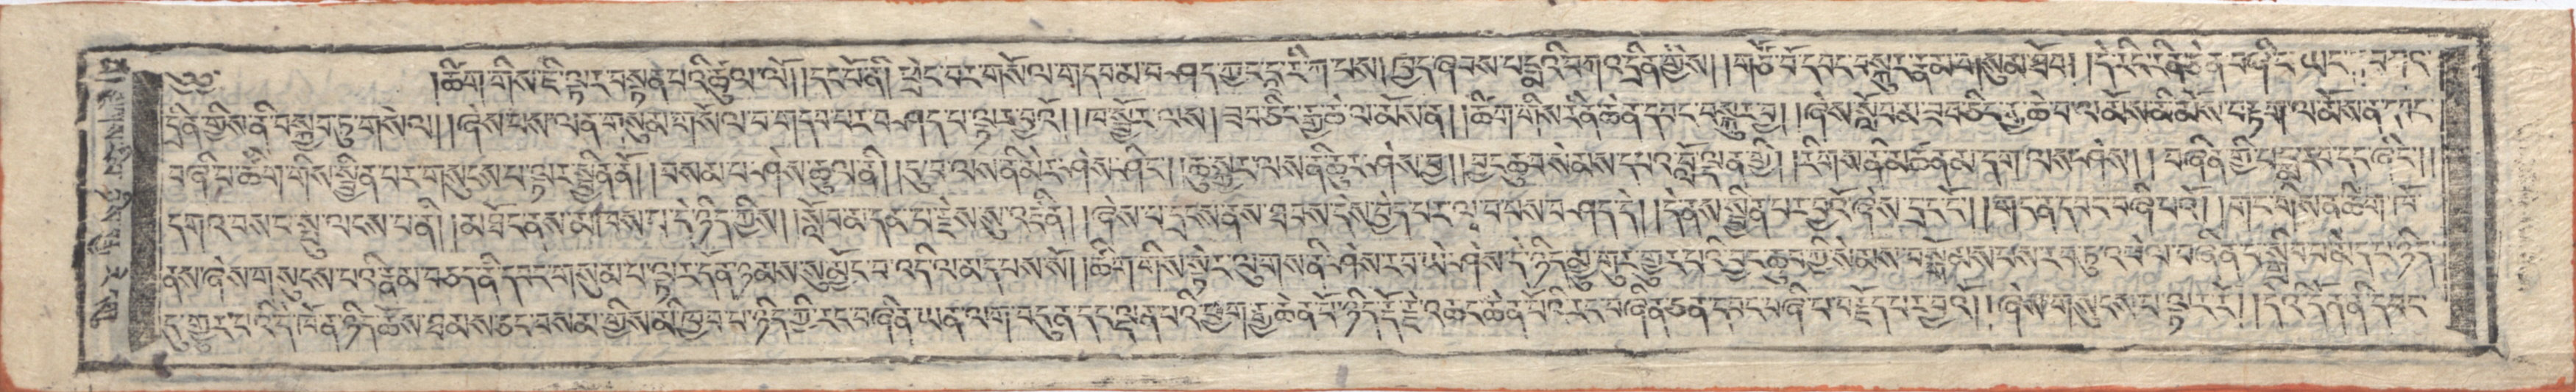༄༅། །ཚིག་གིས་ཇི་ལྟར་བསྟན་པའི་ཚུལ་ལོ། །དང་པོ་ནི། ཕྲེང་བར་གསོལ་གདབ་མ་བཤད་ཀྱང་དཱ་རི་ཀ་པས། ཁྱོད་ཞབས་པདམའི་བཀའ་དྲིན་གྱིས། །གཙོ་བོ་དབང་བསྐུར་རྣམ་གསུམ་ཐོབ། །དེ་རིང་རིན་ཅེན་བཞི་པ་ཡང་། །བཀའ་
དྲིན་གྱིས་ནི་བསྐྱབ་ཏུ་གསོལ། །ཞེས་པས་ལན་གསུམ་གསོལ་བ་གདབ་པར་བཤད་པ་ལྟར་བྱའོ། །ཁ་སྦྱོར་ལས། ཟབ་ཅིང་རྒྱ་ཆེ་ལ་མོས་ན། །ཚིག་གིས་རིན་ཆེན་དབང་བསྐུར་བྱ། །ཞེས་སློབ་མ་ཟབ་ཅིང་རྒྱ་ཆེ་བ་ལ་མོས་མི་མོས་བརྟག་ལ་མོས་ན་དབང་
བཞི་པ་ཚིག་གིས་སྦྱིན་པར་གསུངས་པ་ལྟར་སྦྱིན་ནོ། །བསམ་པ་ཤེས་ཚུལ་ནི། །དུ་བ་ལས་ནི་མེར་ཤེས་ཤིང་། །ཆུ་སྐྱར་ལས་ནི་ཆུར་ཤེས་བྱ། །བྱང་ཆུབ་སེམས་དཔའ་བློ་ལྡན་གྱི། །རིགས་ནི་མཚན་མ་དག་ལས་ཤེས། །བཞིན་གྱི་པདམ་རབ་དང་ཞིང་། །
དགའ་བས་བ་སྤུ་ལངས་པ་ནི། །མཐོང་ནས་མཁས་པ་དེ་ཉིད་ཀྱིས། །སློབ་མ་དམ་པ་རྗེས་སུ་འཛིན། །ཞེས་པ་དྲངས་ནས་ཐབས་དེས་བྱེད་པར་ལྭ་བ་པས་བཤད་དོ། །དེ་ནས་སྦྱིན་པར་བྱའོ་ཞེས་དྲང་ངོ། །གང་ན་དབང་བཞི་པའོ། །གང་གིས་ན་ཚིག་ཁོ་
ནས་ཞེས་གསུངས་པའི་རྣམ་བཅད་ནི་དབང་གསུམ་པ་ལྟར་དོན་ཉམས་སུ་མྱོང་བ་འདི་ལ་མད་པས་སོ། །ཚིག་གིས་སྟེར་ལུགས་ནི་ཤེས་རབ་ཡེ་ཤེས་དེ་ཉིད་མྱུ་གུར་གྱུར་པའི་བྱང་ཆུབ་ཀྱི་སེམས་བསྒོམས་པས་རབ་ཏུ་འཕེལ་བཞིན་པ་སྒྲིབ་པ་མེད་པ་ཉིད་
དུ་གྱུར་པའི་དེ་ཁོ་ན་ཉིད་ཆོས་ཐམས་ཅད་བསམ་གྱིས་མི་ཁྱབ་པ་ཉིད་ཀྱི་རང་བཞིན་ཡན་ལག་བདུན་དང་ལྡན་པའི་ཕྱག་རྒྱ་ཆེན་པོ་ཉིད་རྡོ་རྗེ་འཆང་ཆེན་པོའི་རང་བཞིན་ཅན་དབང་བཞི་པ་བརྗོད་པར་བྱའོ། །ཞེས་གསུངས་པ་ལྟར་རོ། །དེའི་དོན་ནི་དབང་